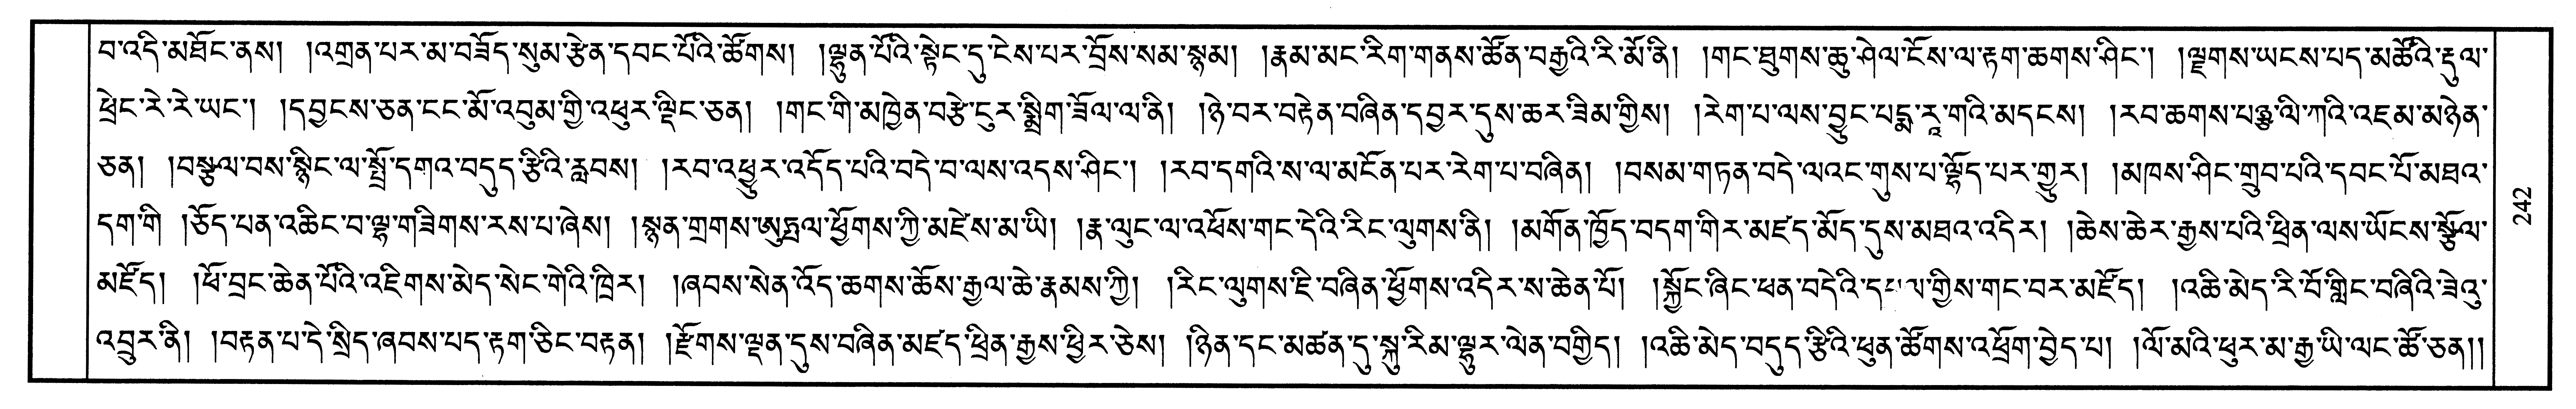བ་འདི་མཐོང་ནས། །འགྲན་པར་མ་བཟོད་སུམ་རྩེན་དབང་པོའི་ཚོགས། །ལྷུན་པོའི་སྟེང་དུ་ངེས་པར་བྲོས་སམ་སྙམ། །རྣམ་མང་རིག་གནས་ཚོན་བརྒྱའི་རི་མོ་ནི། །གང་ཐུགས་ཆུ་ཤེལ་ངོས་ལ་རྟག་ཆགས་ཤིང་། །ལྗགས་ཡངས་པད་མཚོའི་རྡུལ་
ཕྲེང་རེ་རེ་ཡང་། །དབྱངས་ཅན་ངང་མོ་འབུམ་གྱི་འཕུར་ལྡིང་ཅན། །གང་གི་མཁྱེན་བརྩེ་ངུར་སྨྲིག་ཟོལ་ལ་ནི། །ཉེ་བར་བརྟེན་བཞིན་དབྱར་དུས་ཆར་ཟིམ་གྱིས། །རེག་པ་ལས་བྱུང་པདམ་རཱ་གའི་མདངས། །རབ་ཆགས་པཉྩ་ལི་ཀའི་འཇམ་མཉེན་
ཅན། །བསྩལ་བས་སྙིང་ལ་སྤྲོ་དགའ་བདུད་རྩིའི་རླབས། །རབ་འཕྱུར་འདོད་པའི་བདེ་བ་ལས་འདས་ཤིང་། །རབ་དགའི་ས་ལ་མངོན་པར་རེག་པ་བཞིན། །བསམ་གཏན་བདེ་ལའང་གུས་པ་ལྷོད་པར་གྱུར། །མཁས་ཤིང་གྲུབ་པའི་དབང་པོ་མཐའ་
དག་གི །ཅོད་པན་འཆིང་བ་ལྷ་གཟིགས་རས་པ་ཞེས། །སྙན་གྲགས་ཨུཏྤལ་ཕྱོགས་ཀྱི་མཛེས་མ་ཡི། །རྣ་ལུང་ལ་འཕོས་གང་དེའི་རིང་ལུགས་ནི། །མགོན་ཁྱོད་བདག་གིར་མཛད་མོད་དུས་མཐའ་འདིར། །ཆེས་ཆེར་རྒྱས་པའི་ཕྲིན་ལས་ཡོངས་སྩོལ་
མཛོད། །ཕོ་བྲང་ཆེན་པོའི་འཇིགས་མེད་སེང་གེའི་ཁྲིར། །ཞབས་སེན་འོད་ཆགས་ཆོས་རྒྱལ་ཆེ་རྣམས་ཀྱི། །རིང་ལུགས་ཇི་བཞིན་ཕྱོགས་འདིར་ས་ཆེན་པོ། །སྐྱོང་ཞིང་ཕན་བདེའི་དཔལ་གྱིས་གང་བར་མཛོད། །འཆི་མེད་རི་བོ་གླིང་བཞིའི་ཟེའུ་
འབྲུར་ནི། །བརྟན་པ་དེ་སྲིད་ཞབས་པད་རྟག་ཅིང་བརྟན། །རྫོགས་ལྡན་དུས་བཞིན་མཛད་ཕྲིན་རྒྱས་ཕྱིར་ཅེས། །ཉིན་དང་མཚན་དུ་སྐུ་རིམ་ལྷུར་ལེན་བགྱིད། །འཆི་མེད་བདུད་རྩིའི་ཕུན་ཚོགས་འཕྲོག་བྱེད་པ། །ལོ་མའི་ཕུར་མ་རྒྱ་ཡི་ལང་ཚོ་ཅན།།